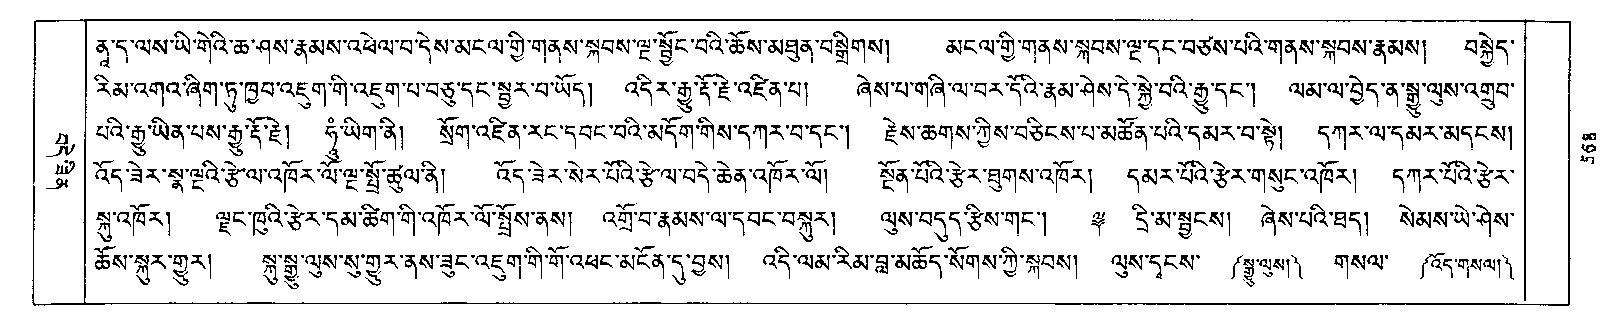ནཱ་ད་ལས་ཡི་གེའི་ཆ་ཤས་རྣམས་འཕེལ་བ་དེས་མངལ་གྱི་གནས་སྐབས་ལྔ་སྦྱོང་བའི་ཆོས་མཐུན་བསྒྲིགས། མངལ་གྱི་གནས་སྐབས་ལྔ་དང་བཙས་པའི་གནས་སྐབས་རྣམས། བསྐྱེད་
རིམ་འགའ་ཞིག་ཏུ་ཁྱབ་འཇུག་གི་འཇུག་པ་བཅུ་དང་སྦྱར་བ་ཡོད། འདིར་རྒྱུ་རྡོ་རྗེ་འཛིན་པ། ཞེས་པ་གཞི་ལ་བར་དོའི་རྣམ་ཤེས་དེ་སྐྱེ་བའི་རྒྱུ་དང་། ལམ་ལ་བྱེད་ན་སྒྱུ་ལུས་འགྲུབ་
པའི་རྒྱུ་ཡིན་པས་རྒྱུ་རྡོ་རྗེ། ཧཱུཾ་ཡིག་ནི། སྲོག་འཛིན་རང་དབང་བའི་མདོག་གིས་དཀར་བ་དང་། རྗེས་ཆགས་ཀྱིས་བཅིངས་པ་མཚོན་པའི་དམར་བ་སྟེ། དཀར་ལ་དམར་མདངས།
འོད་ཟེར་སྣ་ལྔའི་རྩེ་ལ་འཁོར་ལོ་ལྔ་སྤྲོ་ཚུལ་ནི། འོད་ཟེར་སེར་པོའི་རྩེ་ལ་བདེ་ཆེན་འཁོར་ལོ། སྔོན་པོའི་རྩེར་ཐུགས་འཁོར། དམར་པོའི་རྩེར་གསུང་འཁོར། དཀར་པོའི་རྩེར་
སྐུ་འཁོར། ལྗང་ཁུའི་རྩེར་དམ་ཚིག་གི་འཁོར་ལོ་སྤྲོས་ནས། འགྲོ་བ་རྣམས་ལ་དབང་བསྐུར། ལུས་བདུད་རྩིས་གང་། ༈ དྲི་མ་སྦྱངས། ཞེས་པའི་ཐད། སེམས་ཡེ་ཤེས་
ཆོས་སྐུར་གྱུར། སྐུ་སྒྱུ་ལུས་སུ་གྱུར་ནས་ཟུང་འཇུག་གི་གོ་འཕང་མངོན་དུ་བྱས། འདི་ལམ་རིམ་བླ་མཆོད་སོགས་ཀྱི་སྐབས། ལུས་དྭངས་?སྒྱུ་ལུས། ༼་གསལ་?འོད་གསལ།༽